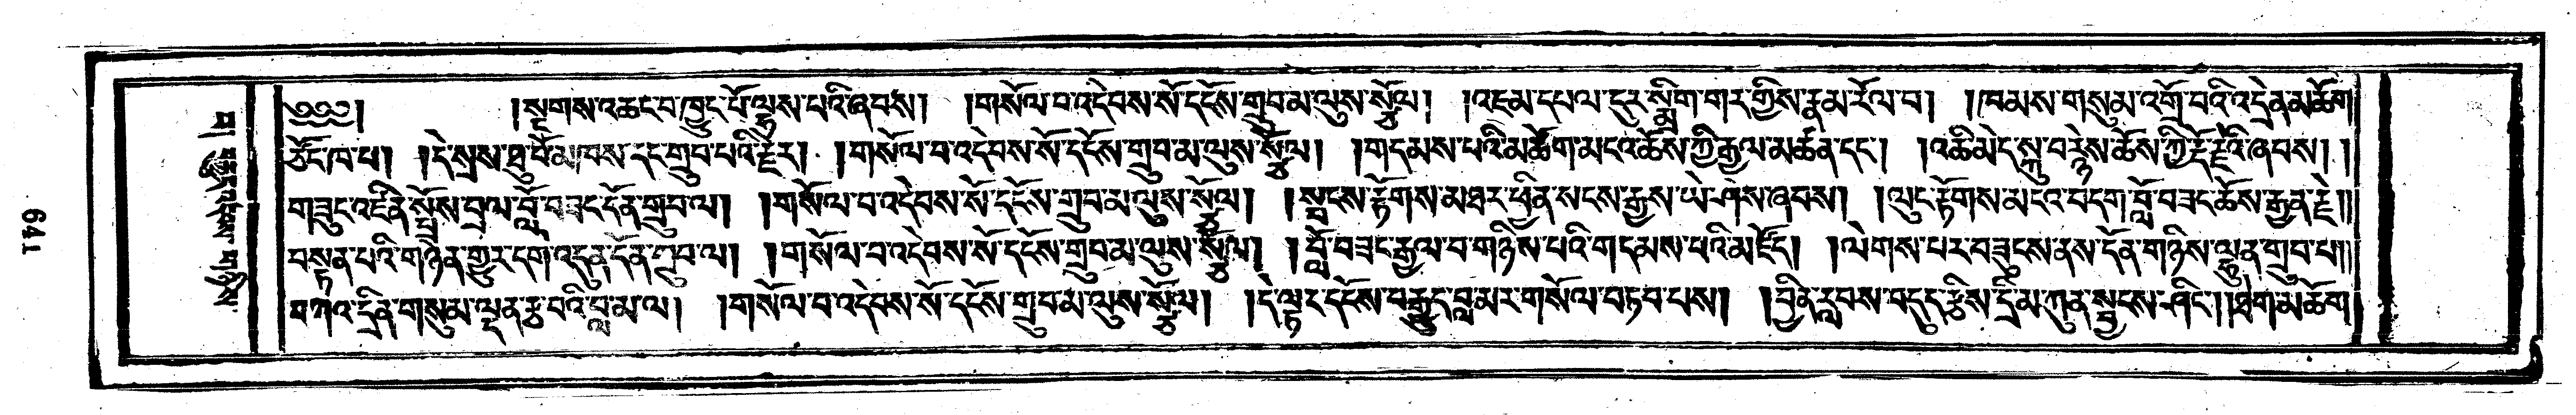༄༅༅། །སྔགས་འཆང་བ་ཁྱུང་པོ་ལྷས་པའི་ཞབས། །གསོལ་བ་འདེབས་སོ་དངོས་གྲུབ་མ་ལུས་སྩོལ། །འཇམ་དཔལ་དུར་སྨྲིག་གར་གྱིས་རྣམ་རོལ་བ། །ཁམས་གསུམ་འགྲོ་བའི་འདྲེན་མཆོག་
ཙོང་ཁ་པ། །དེ་སྲས་ཐུ་པོ་མཁས་དང་གྲུབ་པའི་རྗེར། །གསོལ་བ་འདེབས་སོ་དངོས་གྲུབ་མ་ལུས་སྩོལ། །གདམས་པའི་མཆོག་མངའ་ཆོས་ཀྱི་རྒྱལ་མཚན་དང་། །འཆི་མེད་སྐུ་བརྙེས་ཆོས་ཀྱི་རྡོ་རྗེའི་ཞབས། །
གཟུང་འཛིན་སྤྲོས་བྲལ་བློ་བཟང་དོན་གྲུབ་ལ། །གསོལ་བ་འདེབས་སོ་དངོས་གྲུབ་མ་ལུས་སྩོལ། །སྤངས་རྟོགས་མཐར་ཕྱིན་སངས་རྒྱས་ཡེ་ཤེས་ཞབས། །ལུང་རྟོགས་མངའ་བདག་བློ་བཟང་ཆོས་རྒྱན་རྗེ།།
བསྟན་པའི་གཉེན་གྱུར་དག་འདུན་དོན་གྲུབ་ལ། །གསོལ་བ་འདེབས་སོ་དངོས་གྲུབ་མ་ལུས་སྩོལ། །བློ་བཟང་རྒྱལ་བ་གཉིས་པའི་གདམས་པའི་མཛོད། །ལེགས་པར་བཟུངས་ནས་དོན་གཉིས་ལྷུན་གྲུབ་པ།།
བཀའ་དྲིན་གསུམ་ལྡན་རྩ་བའི་བླ་མ་ལ། །གསོལ་བ་འདེབས་སོ་དངོས་གྲུབ་མ་ལུས་སྩོལ། །དེ་ལྟར་དངོས་བརྒྱུད་བླ་མར་གསོལ་བཏབ་པས། །བྱིན་རླབས་བདུད་རྩིས་དྲི་མ་ཀུན་སྦྱངས་ཤིང་། །ཐེག་མཆོག་